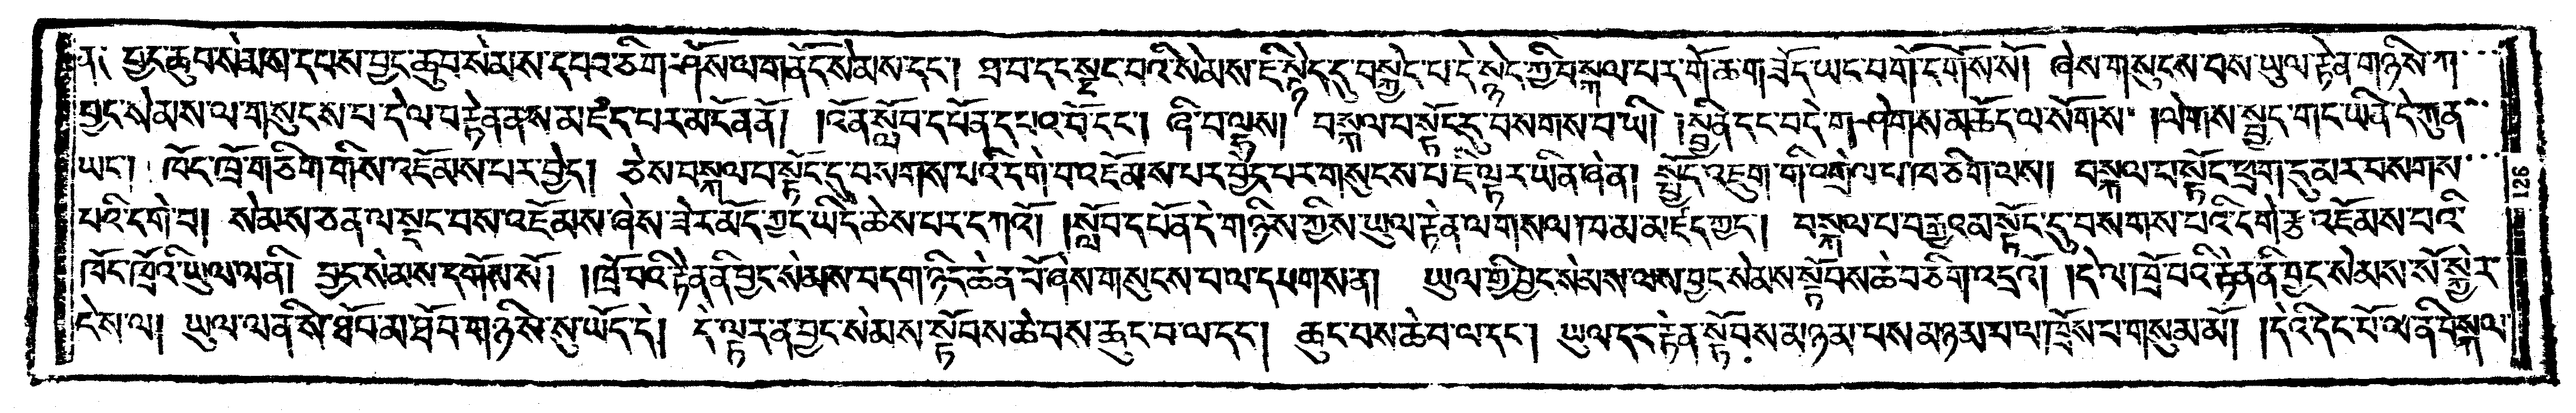ན༑ བྱང་ཆུབ་སེམས་དཔས་བྱང་ཆུབ་སེམས་དཔའ་ཅིག་ཤོས་ལ་གནོད་སེམས་དང་། ཐ་བ་དང་སྡང་བའི་སེམས་ཇི་སྙེད་དུ་བསྐྱེད་པ་དེ་སྙེད་ཀྱི་བསྐལ་པར་གོ་ཆ་གཟོད་ཡང་བགོ་དགོས་སོ། །ཞེས་གསུངས་པས་ཡུལ་རྟེན་གཉིས་ཀ་
བྱང་སེམས་ལ་གསུངས་པ་དེ་ལ་བརྟེན་ནས་མཛད་པར་མངོན་ནོ། །འོ་ན་སློབ་དཔོན་དཔའ་བོ་དང་། ཞི་བ་ལྷས། བསྐལ་པ་སྟོང་དུ་བསགས་པ་ཡི། །སྦྱིན་དང་བདེ་གཤེགས་མཆོད་ལ་སོགས། །ལེགས་སྤྱད་གང་ཡིན་དེ་ཀུན་
ཡང་། །ཁོང་ཁྲོ་གཅིག་གིས་འཇོམས་པར་བྱེད། ཅེས་བསྐལ་པ་སྟོང་དུ་བསགས་པའི་དགེ་བ་འཇོམས་པར་བྱེད་པར་གསུངས་པ་ཇི་ལྟར་ཡིན་ཞེ་ན། སྤྱོད་འཇུག་གི་འགྲེལ་པ་ཁ་ཅིག་ལས། བསྐལ་པ་སྟོང་ཕྲག་དུ་མར་བསགས་
པའི་དགེ་བ། སེམས་ཅན་ལ་སྡང་བས་འཇོམས་ཞེས་ཟེར་མོད་ཀྱང་ཡིད་ཆེས་པར་དཀའོ། །སློབ་དཔོན་དེ་གཉིས་ཀྱིས་ཡུལ་རྟེན་ལ་གསལ་ཁ་མ་མཛད་ཀྱང་། བསྐལ་པ་བརྒྱའམ་སྟོང་དུ་བསགས་པའི་དགེ་རྩ་འཇོམས་པའི་
ཁོང་ཁྲོའི་ཡུལ་ལ་ནི། བྱང་སེམས་དགོས་སོ། །ཁྲོ་བའི་རྟེན་ནི་བྱང་སེམས་བདག་ཉིད་ཆེན་པོ་ཞེས་གསུངས་པ་ལ་དཔགས་ན། ཡུལ་གྱི་བྱང་སེམས་ལས་བྱང་སེམས་སྟོབས་ཆེ་བ་ཅིག་འདྲའོ། །དེ་ལ་ཁྲོ་བའི་རྟེན་ནི་བྱང་སེམས་སོ་སྐྱེར་
ངེས་ལ། ཡུལ་ལ་ནི་ས་ཐོབ་མ་ཐོབ་གཉིས་སུ་ཡོད་དེ། དེ་ལྟར་ན་བྱང་སེམས་སྟོབས་ཆེ་བས་ཆུང་བ་ལ་དང་། ཆུང་བས་ཆེ་བ་ལ་དང་། ཡུལ་དང་རྟེན་སྟོབས་མཉམ་པས་མཉམ་པ་ལ་ཁྲོས་པ་གསུམ་མོ། །དེའི་དང་པོ་ལ་ནི་བསྐལ་